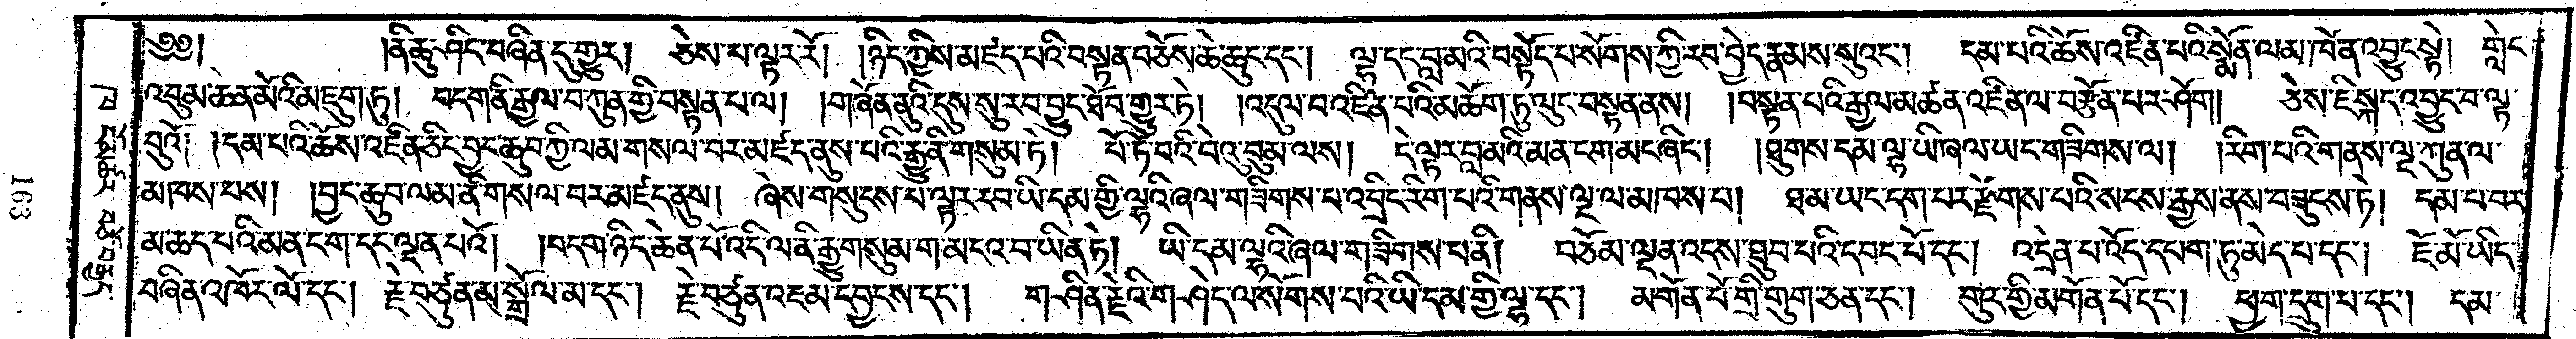༄༅། །ནི་ཆུ་ཤིང་བཞིན་དུ་གྱུར། ཅེས་པ་ལྟར་རོ། །ཉིད་ཀྱིས་མཛད་པའི་བསྟན་བཅོས་ཆེ་ཆུང་དང་། ལྷ་དང་བླ་མའི་བསྟོད་པ་སོགས་ཀྱི་རབ་བྱེད་རྣམས་སུའང་། དམ་པའི་ཆོས་འཛིན་པའི་སྨོན་ལམ་ཁོ་ན་འབྱུང་སྟེ། གླེང་
འབུམ་ཆེན་མོའི་མཇུག་ཏུ། བདག་ནི་རྒྱལ་བ་ཀུན་གྱི་བསྟན་པ་ལ། །གཞོན་ནུའི་དུས་སུ་རབ་བྱུང་ཐོབ་གྱུར་ཏེ། །འདུལ་བ་འཛིན་པའི་མཆོག་ཏུ་ལུང་བསྟན་ནས། །བསྟན་པའི་རྒྱལ་མཚན་འཛིན་ལ་བརྩོན་པར་ཤོག། ཅེས་ཇི་སྐད་འབྱུང་བ་ལྟ་
བུའོ༑ ༑དམ་པའི་ཆོས་འཛིན་ཅིང་བྱང་ཆུབ་ཀྱི་ལམ་གསལ་བར་མཛད་ནུས་པའི་རྒྱུ་ནི་གསུམ་ཏེ། པོ་ཏོ་བའི་བེའུ་བུམ་ལས། དེ་ལྟར་བླ་མའི་མན་ངག་མང་ཞིང་། །ཐུགས་དམ་ལྷ་ཡི་ཞལ་ཡང་གཟིགས་ལ། །རིག་པའི་གནས་ལྔ་ཀུན་ལ་
མཁས་པས། །བྱང་ཆུབ་ལམ་ནི་གསལ་བར་མཛད་ནུས། ཞེས་གསུངས་པ་ལྟར་རབ་ཡི་དམ་གྱི་ལྷའི་ཞལ་གཟིགས་པ་འབྲིང་རིག་པའི་གནས་ལྔ་ལ་མཁས་པ། ཐ་མ་ཡང་དག་པར་རྫོགས་པའི་སངས་རྒྱས་ནས་བཟུངས་ཏེ། དམ་པ་བར་
མ་ཆད་པའི་མན་ངག་དང་ལྡན་པའོ། །བདག་ཉིད་ཆེན་པོ་འདི་ལ་ནི་རྒྱུ་གསུམ་ག་མངའ་བ་ཡིན་ཏེ། ཡི་དམ་ལྷའི་ཞལ་གཟིགས་པ་ནི། བཅོམ་ལྡན་འདས་ཐུབ་པའི་དབང་པོ་དང་། འདྲེན་པ་འོད་དཔག་ཏུ་མེད་པ་དང་། ཇོ་མོ་ཡིད་
བཞིན་འཁོར་ལོ་དང་། རྗེ་བཙུན་མ་སྒྲོལ་མ་དང་། རྗེ་བཙུན་འཇམ་དབྱངས་དང་། གཤིན་རྗེའི་གཤེད་ལ་སོགས་པའི་ཡི་དམ་གྱི་ལྷ་དང་། མགོན་པོ་གྲི་གུག་ཅན་དང་། གུར་གྱི་མགོན་པོ་དང་། ཕྱག་དྲུག་པ་དང་། དམ་